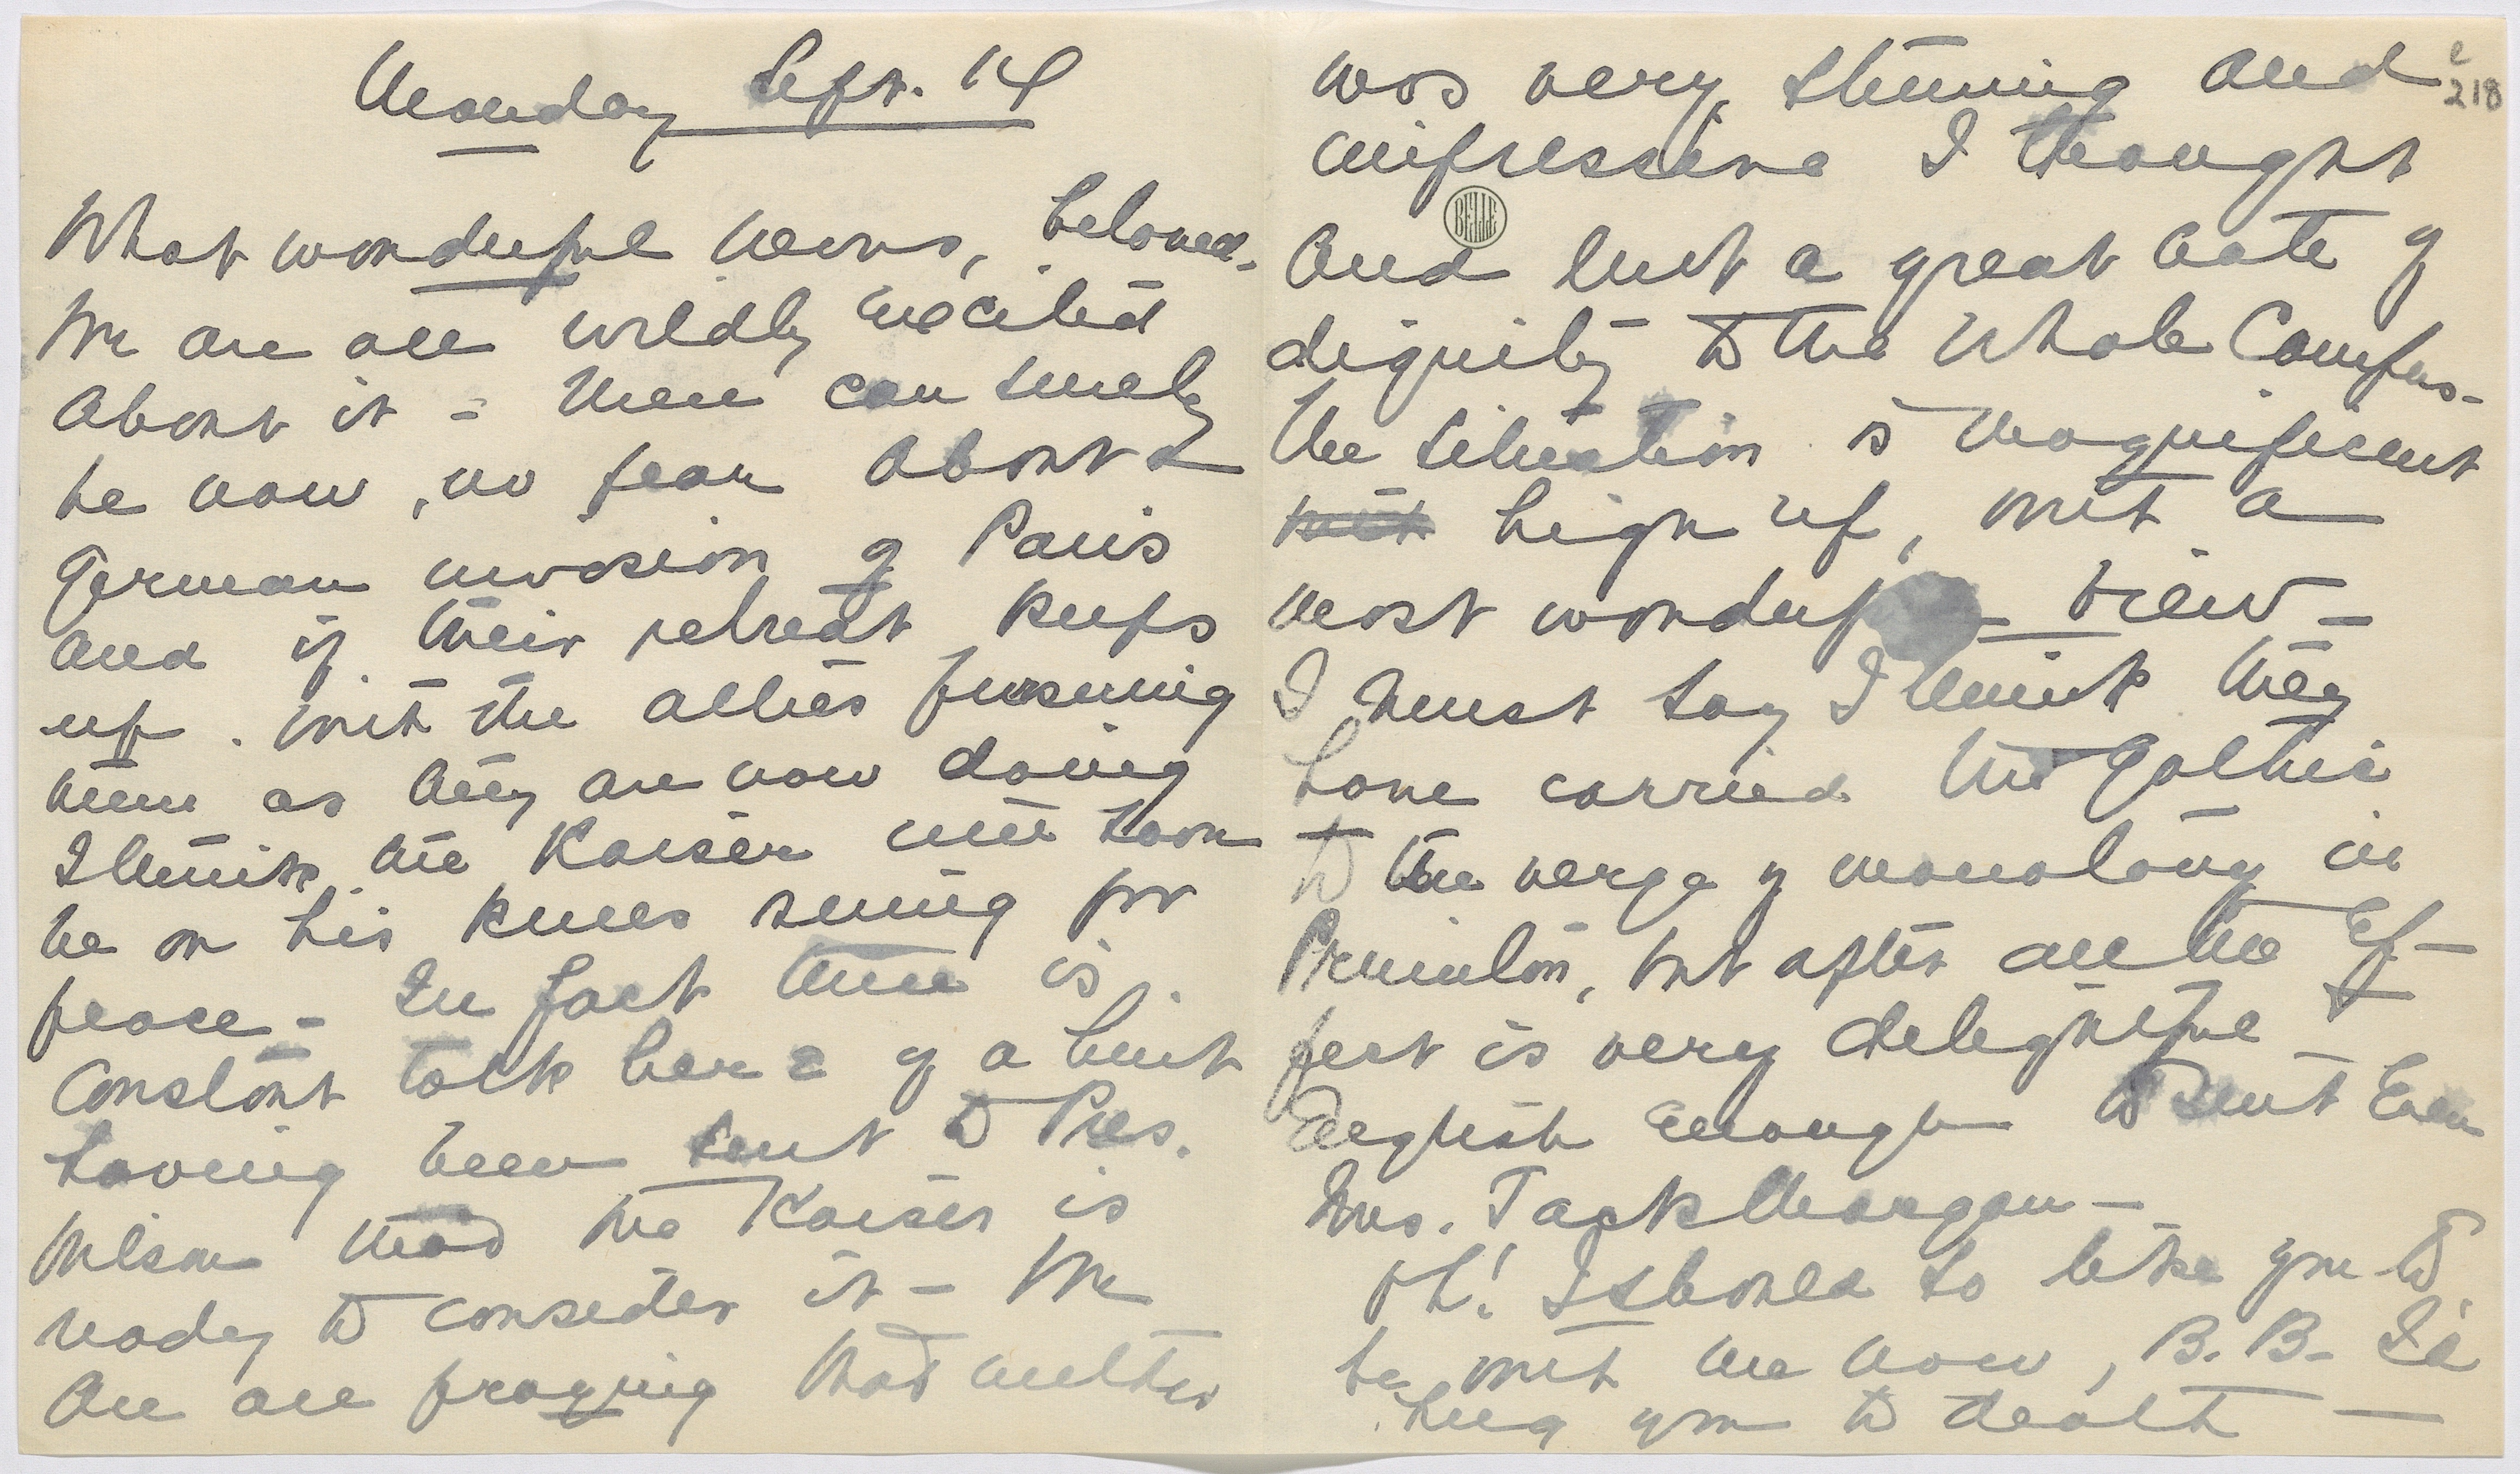was very stunning and impressive I thought and lent a great note of dignity to the whole campus – the situation is magnificent [illegible deletion] high up, with a most wonderful view – I must say I think they have carried the Gothic to the verge of monotony in Princeton, but after all the effect is very delightful & English enough to suit even Mrs. Jack Morgan –
Oh! I should so like you to be with me now, B.B. I’d hug you to death –
Monday Sept. 14
What wonderful news, beloved. We are all wildly excited about it – there can surely be now, no fear about a German invasion of Paris and if their retreat keeps up with the Allies pursuing them as they are now doing I think the Kaiser will soon be on his knees suing for peace – In fact there is constant talk here of a hint having been sent to Pres. Wilson that the Kaiser is ready to consider it – We are all praying that neither